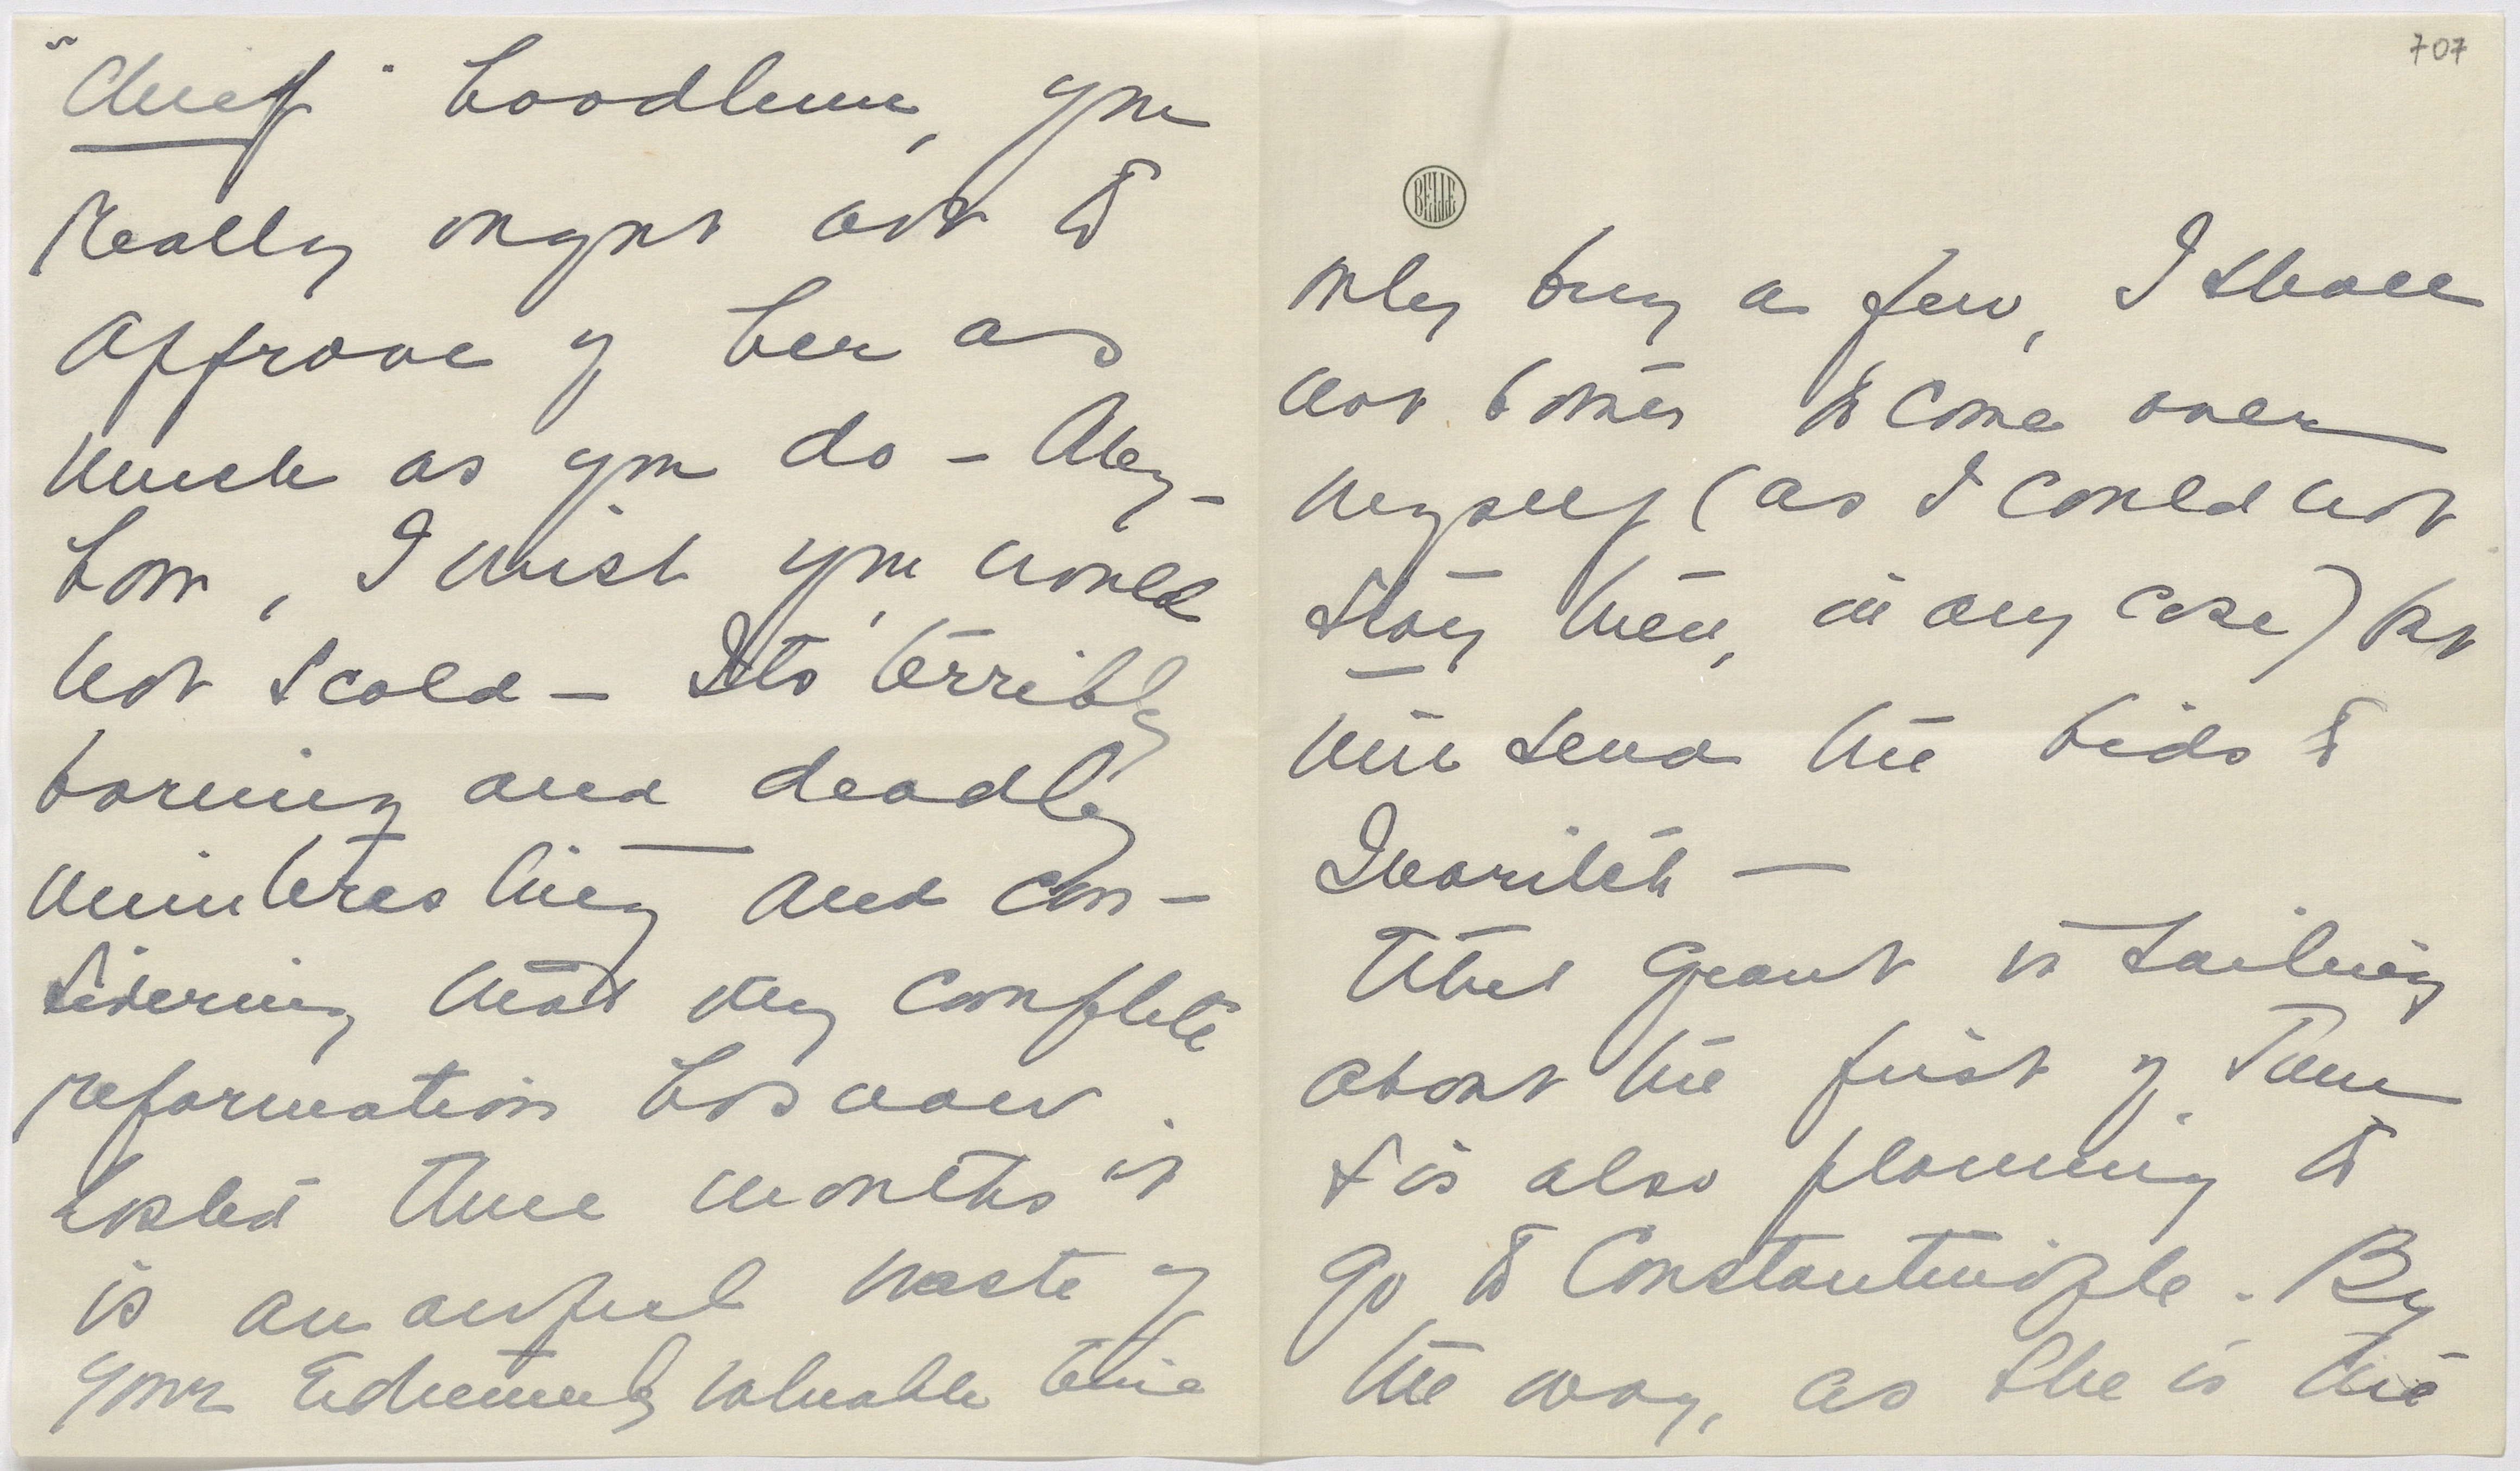only buy a few, I shall not bother to come over myself (as I could not stay then, in any case) but will send the bids to Quartich –
Ethel Grant is sailing about the first of June & is also planning to go to Constantinople. By the way, as she is the
“chief” hoodlum, you really ought not to approve of her as much as you do – Anyhow, I wish you would not scold – It’s terribly boring and deadly uninteresting and considering that my complete reformation has now lasted three months it is an awful waste of your extremely valuable time